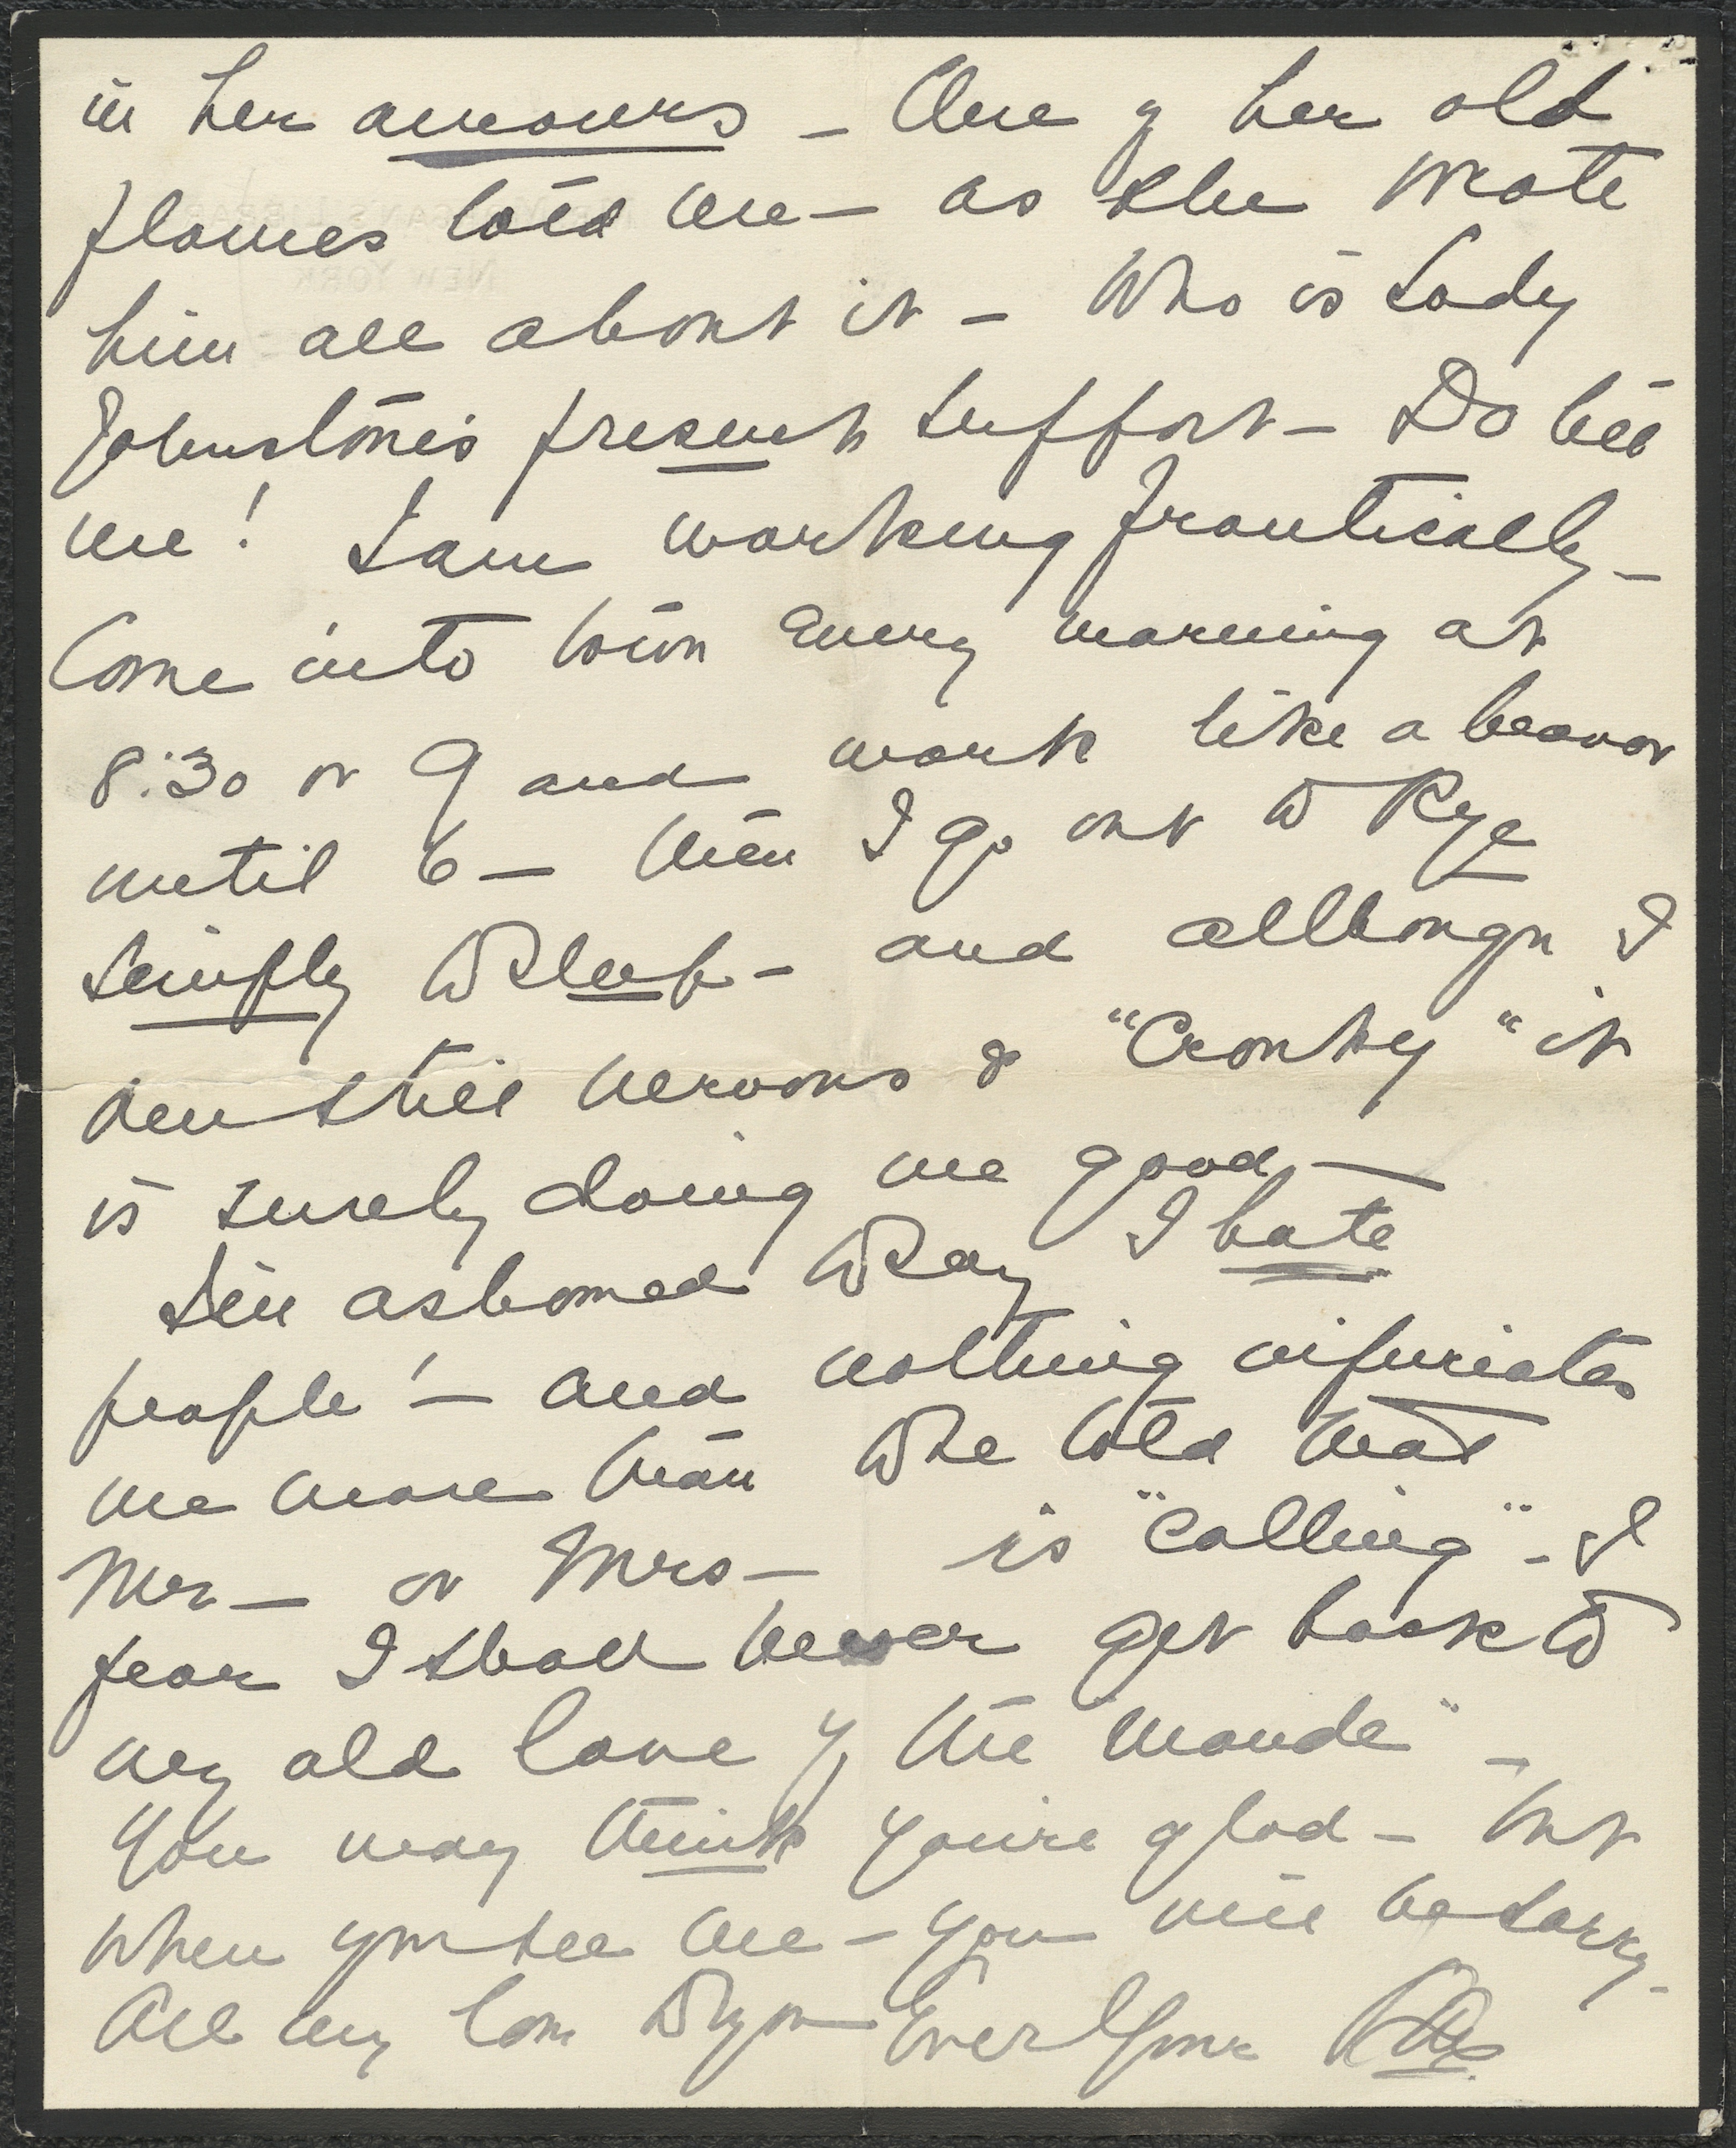in her [double underlined: amour] – One of her old flames told me – as she wrote him all about it – who is Lady Johnstone’s present support – Do tell me! I am working frantically – Come into town every morning at 8:30 or 9 and work like a beaver until 6 – then I go out to Rye simply to sleep – and although I am still nervous & “cranky” it is surely doing me good –
I’m ashamed to say I [double underlined: hate] people – and nothing infuriates me more than to be told that Mr __ or Mrs __ is “calling” – I fear I shall never get back to my old love of the “Monde” – You may think you’re glad – but when you see me – you will be sorry. All my love to you Ever Yours Belle.